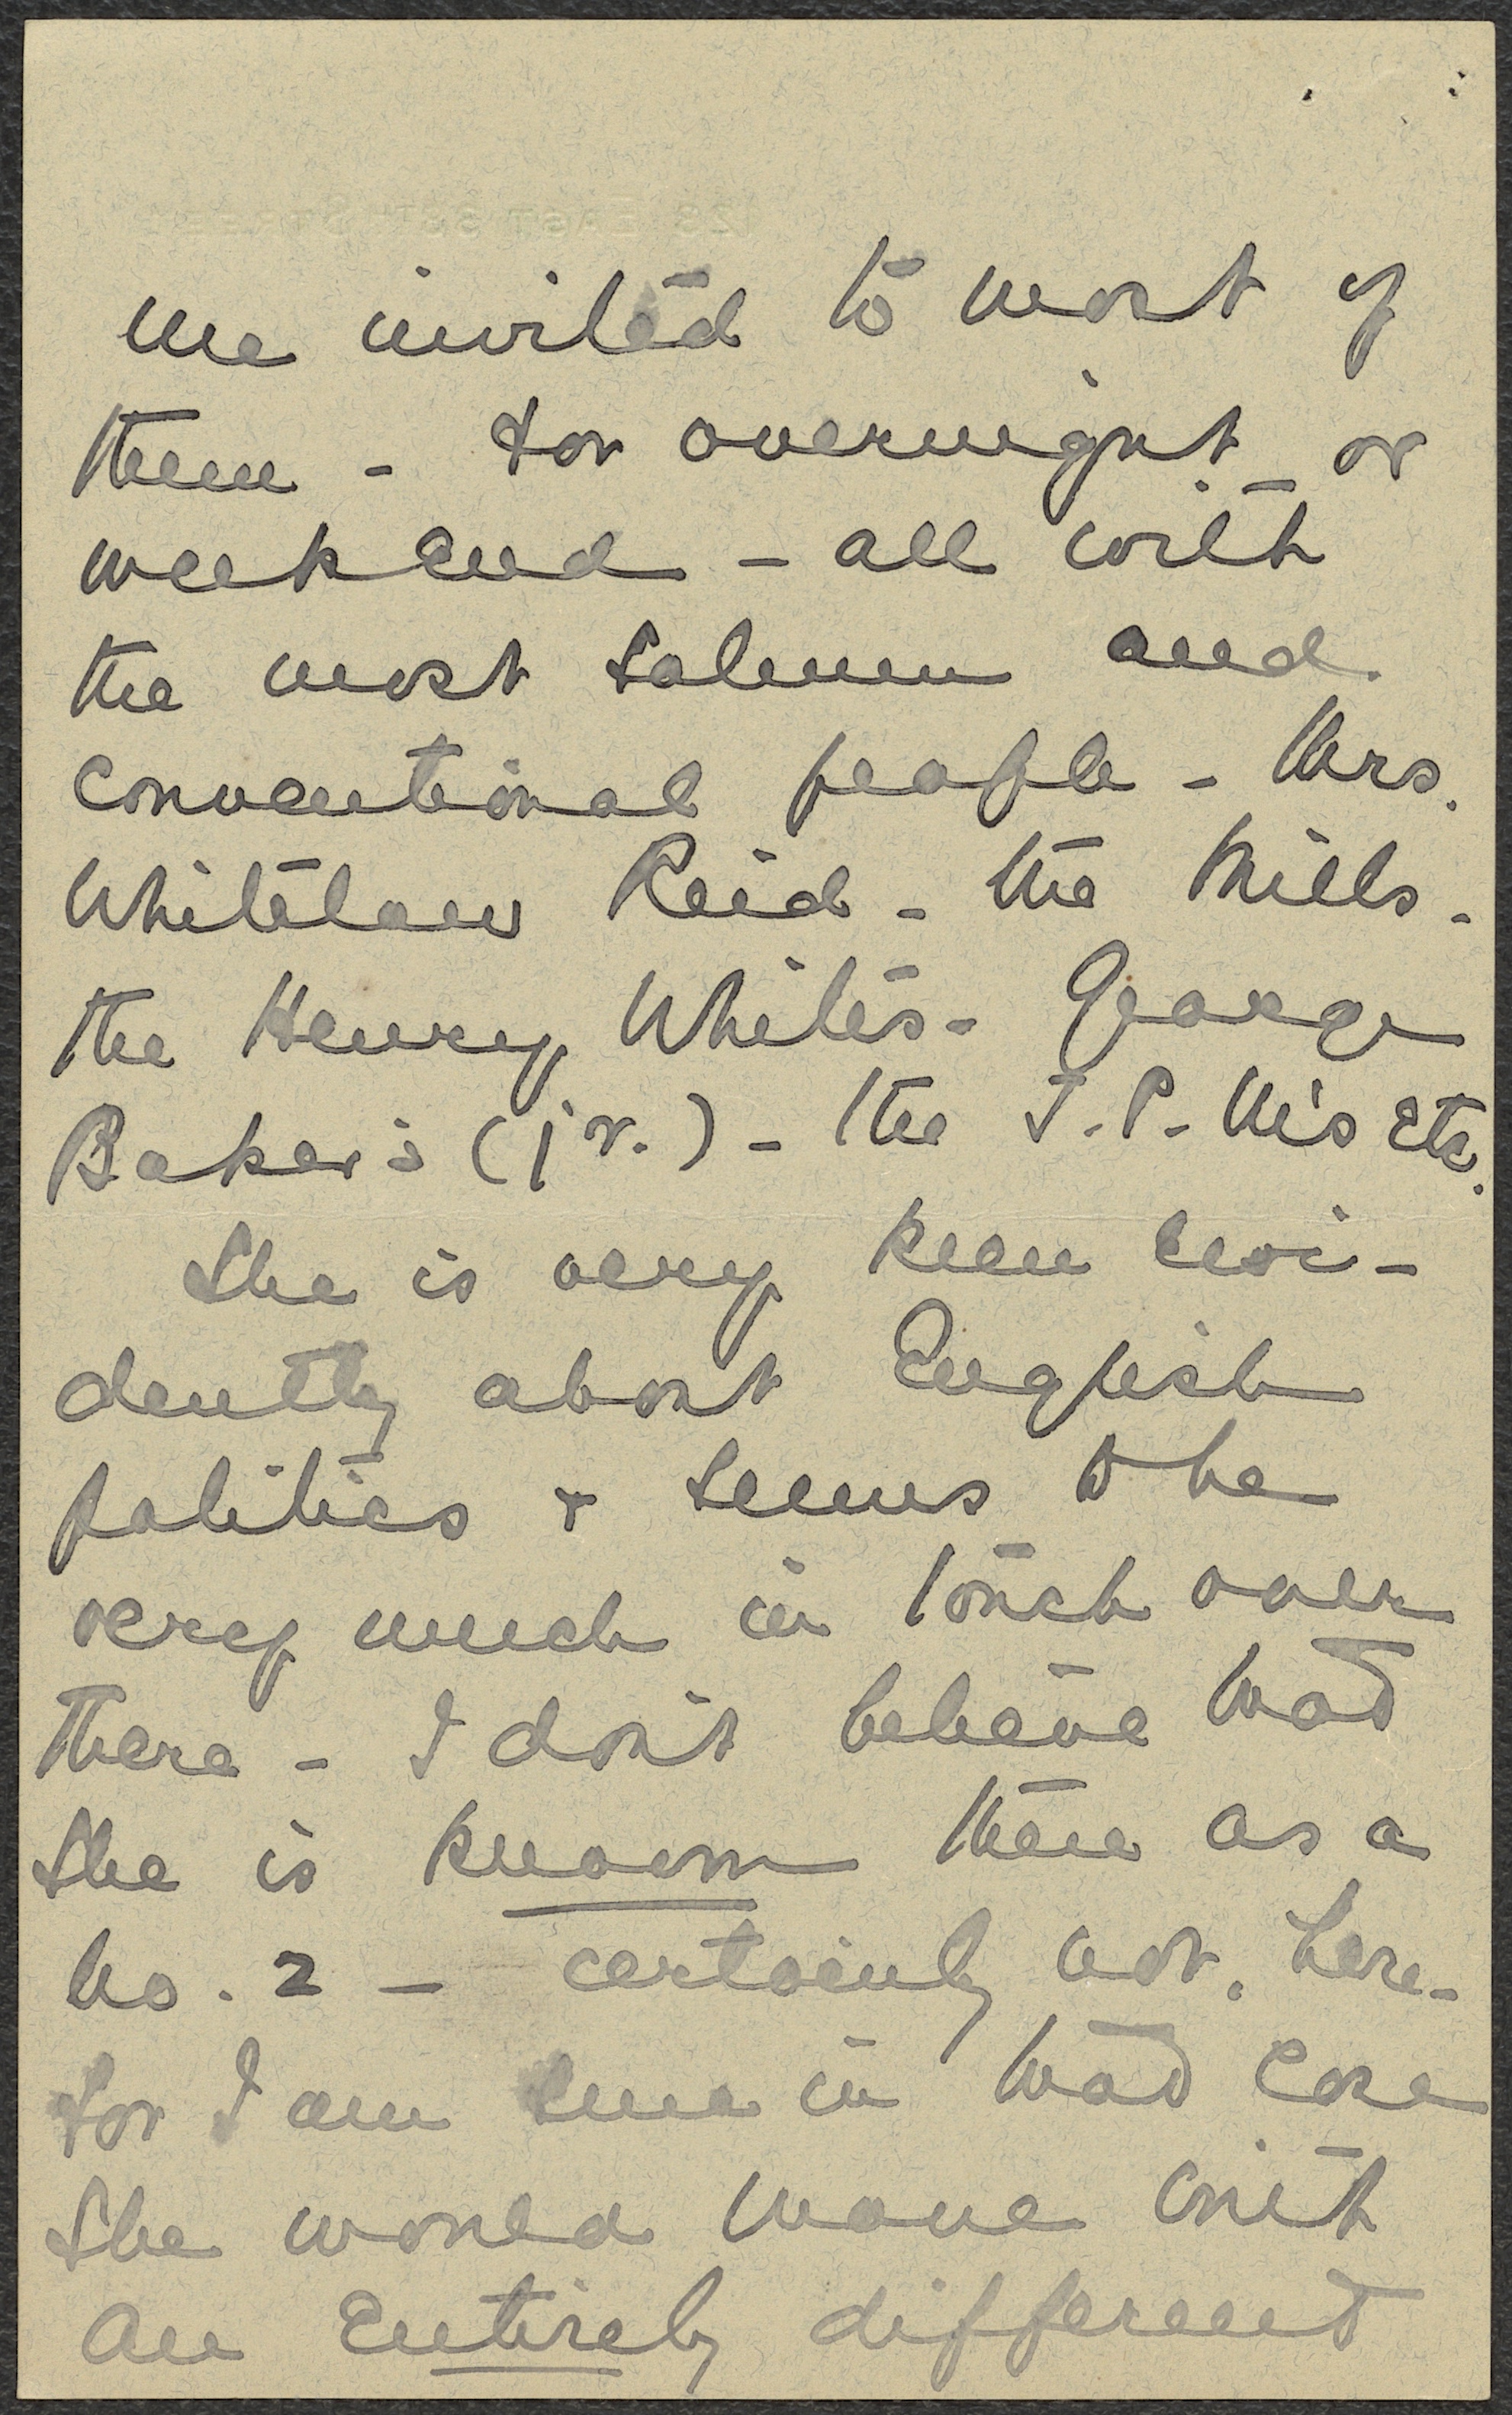me invited to most of them – for overnight or weekend – all with the most solemn and conventional people – Mrs. Whitelaw Reid – the Mills – The Henry Whites – George Baker’s (jr.) – The J.P.M.’s etc.
She is very keen evidently about English politics & seems to be very much in touch over there – I don’t believe that she is known there as a No. 2 – certainly not here – For I am sure in that case she would move with an entirely different